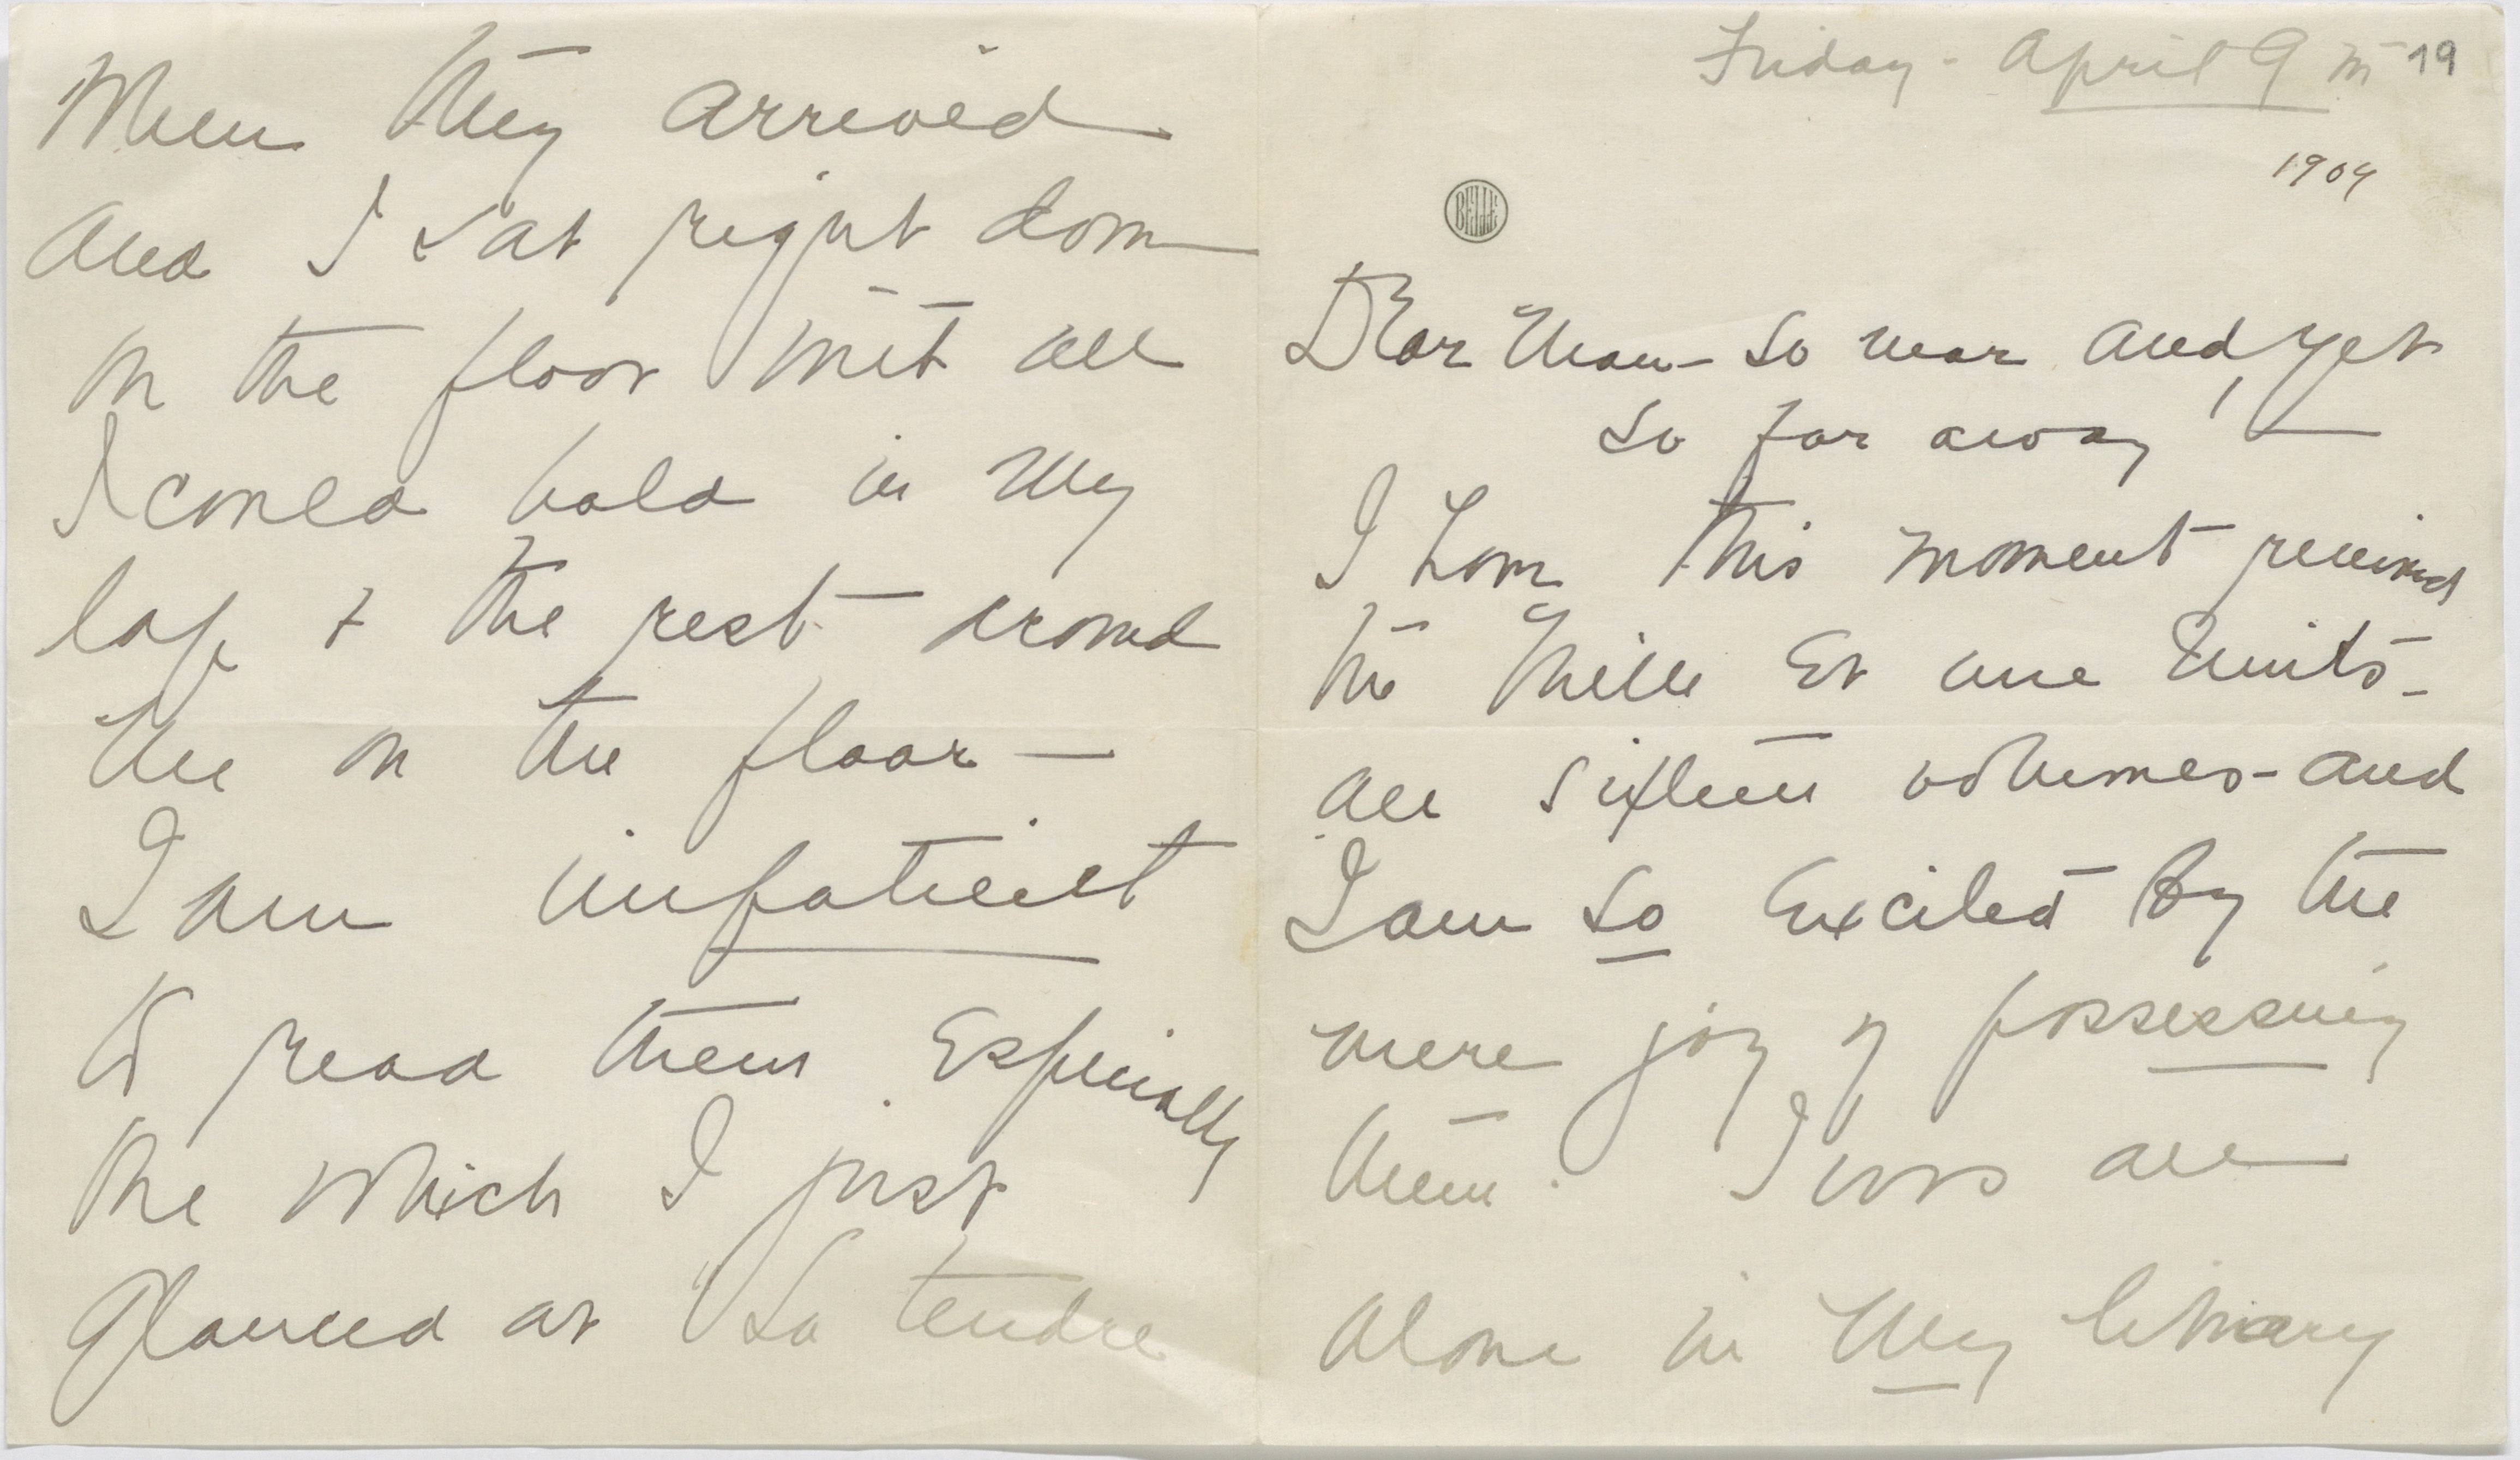Friday – April 9th
Dear Man – So near and yet so far away –
I have this moment received the Mille et une Nuits – all sixteen volumes – and I am so excited by the mere joy of possessing them. I was all alone in My library
when they arrived and I sat right down on the floor with all I could hold in my lap & the rest around me on the floor – I am impatient to read them especially one which I just glanced at “La tendre